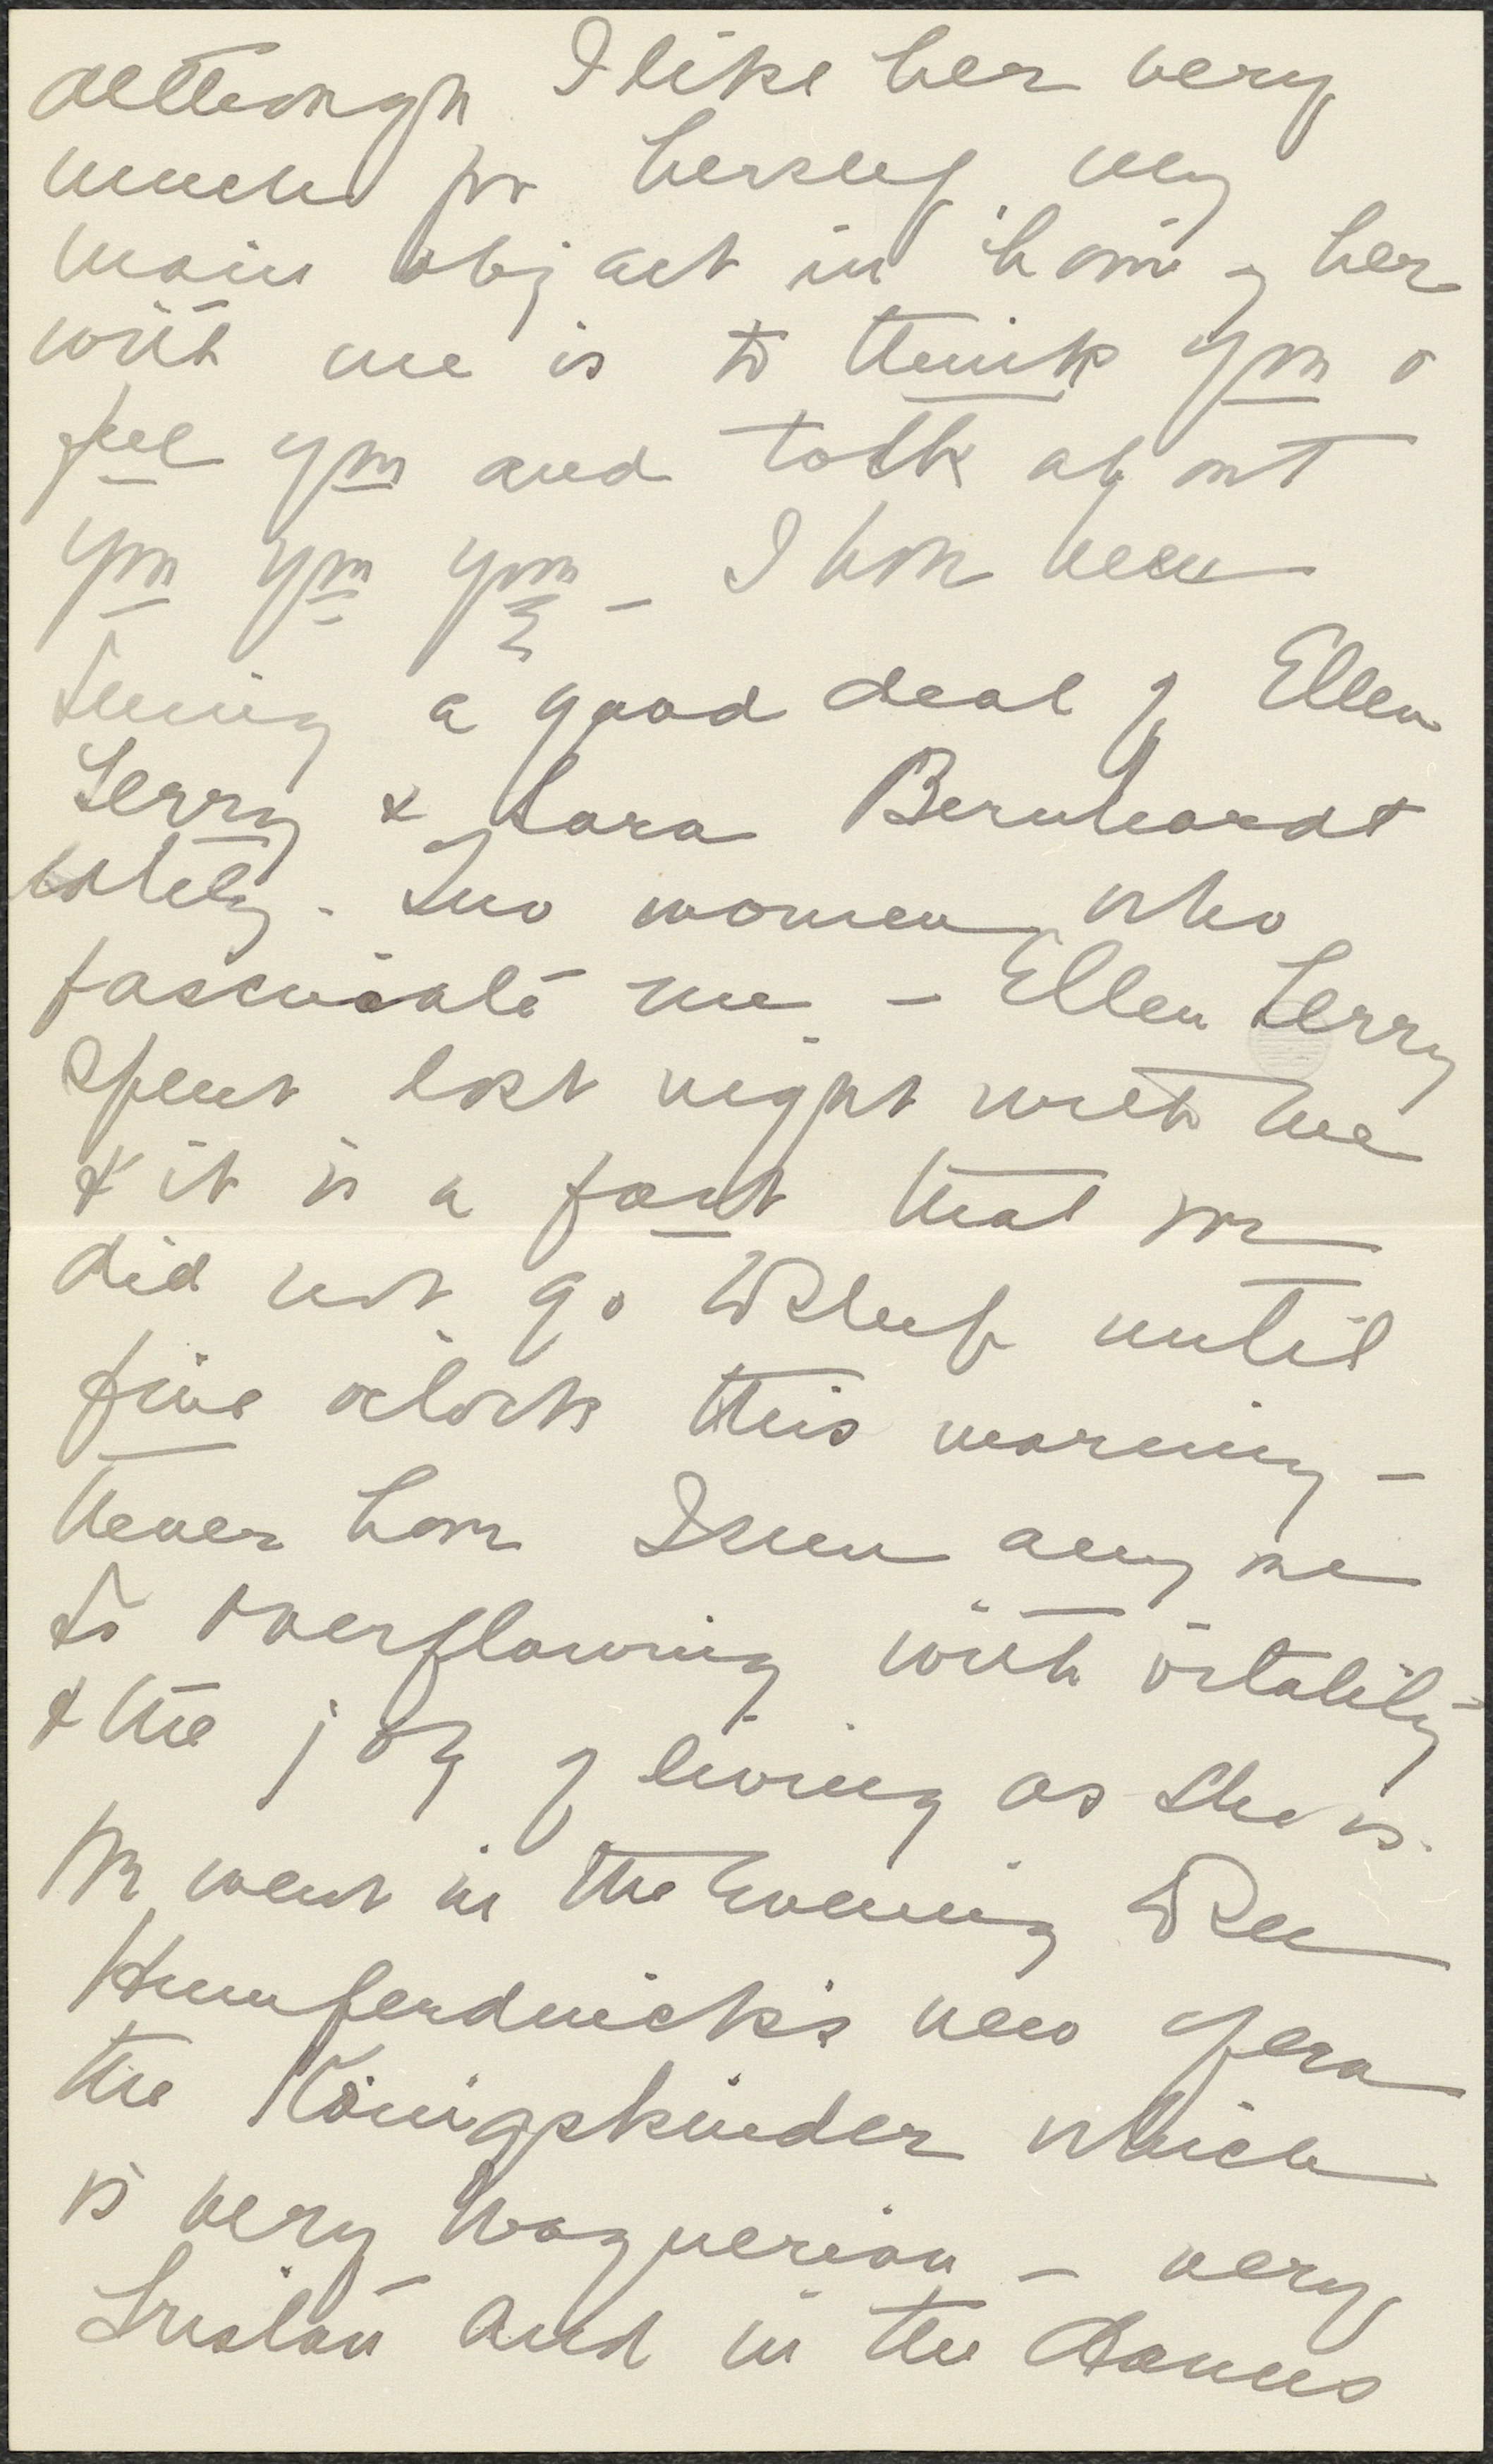although I like her very much for herself, my main object in having her with me is to think you & feel you and talk about you [double underlined: you] [triple underlined: you] – I have been seeing a good deal of Ellen Terry & Sara Bernhardt lately. Two women who fascinate me – Ellen Terry spent last night with me & it is a fact that we did not go to sleep until five o’clock this morning – Never have I seen any one so overflowing with vitality & the joy of living as she is. We went in the evening to see Humperdinck’s new opera the Königskinder which is very Wagnerian– very Tristan and in the dances